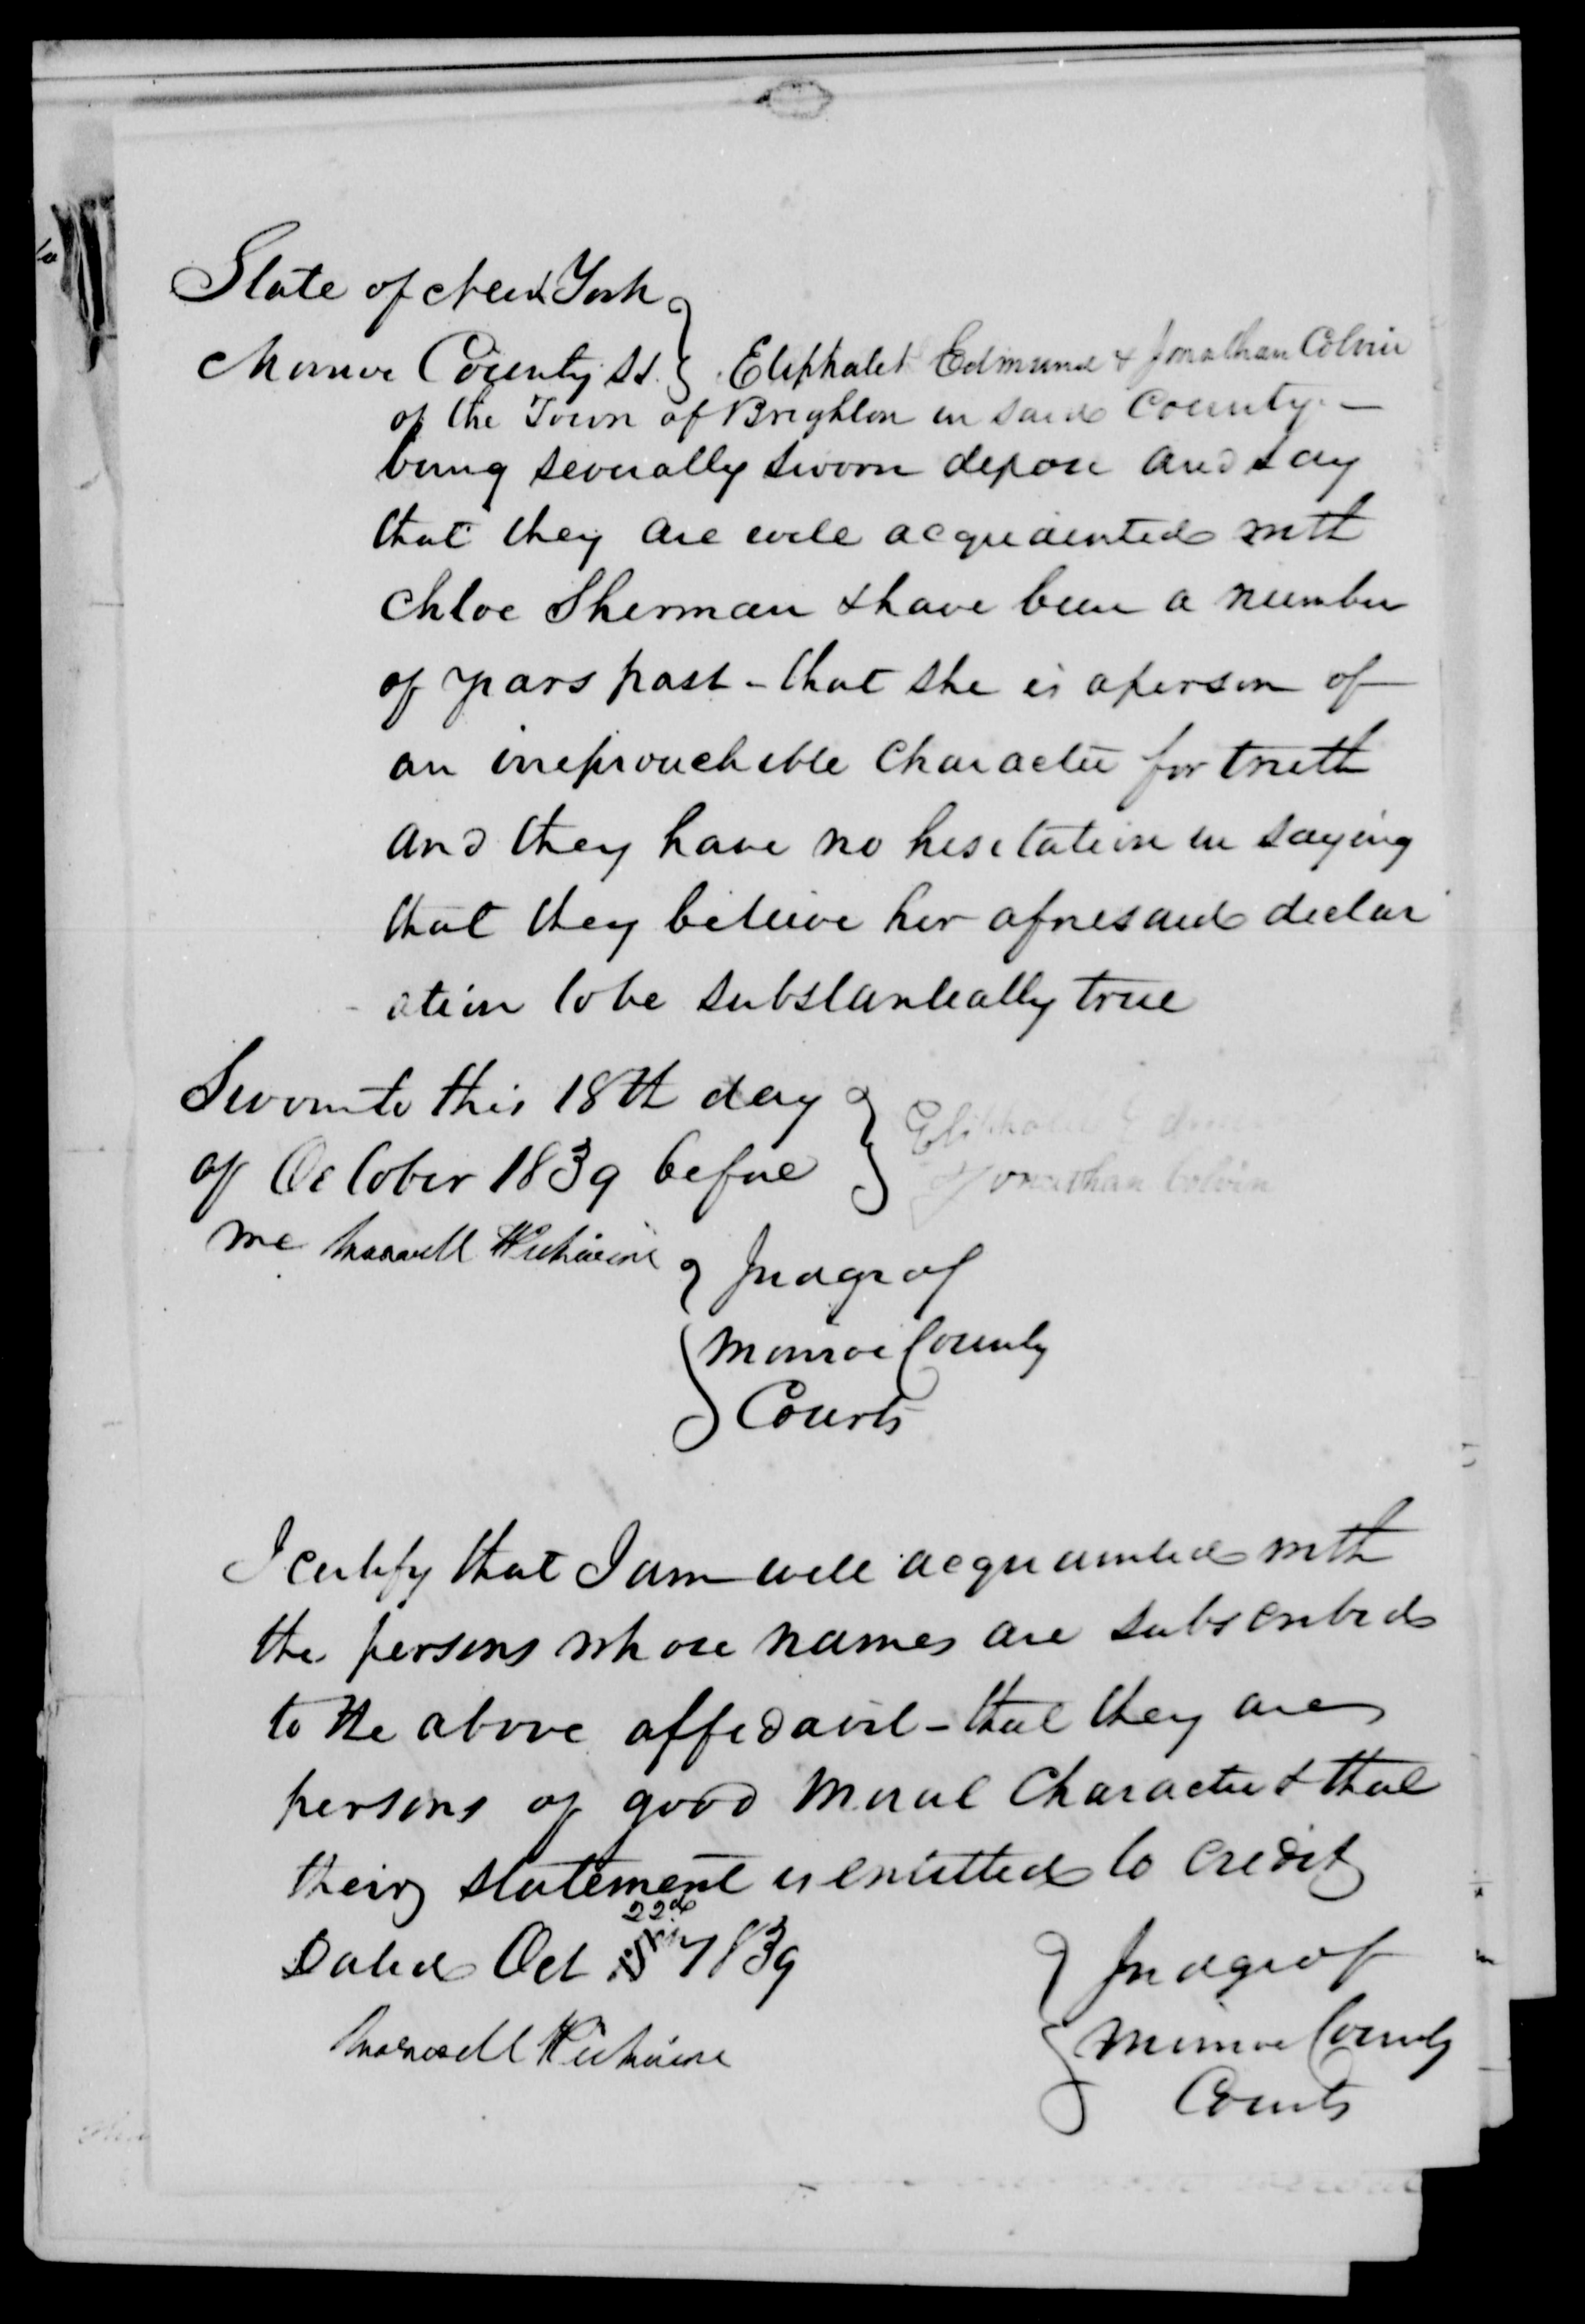State of New York
chance County SS
Eliphalet Edmund & Jonathan Colvin
of the Town of Brighton in said County
being severally sworn depose and say
that they are well acquainted with
Chloe Sherman & have been a number
of years past - that she is a person of
an inproachable character for truth
and they have no hesitation in saying
that they believe her aforesaid declar
ation to be substantially true
Sworn to this 18th day of
of October 1839 before
we Howell Witherington
Jonathan Colvin
Judge of
Monroe formally
I certify that I am well acquainted with
the persons whose names are subscribed
to the above affidavit that they are
person of good moral character & that
their statement is entitled to credit
Dated Oct 5 1839
Mansell Richam
Judge of
mine County
County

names: Eliphalet Edmund; Eliphalet Edmunds; Maxwell Wickwire; Jonathan Colvin; Jonathan Colvin; Chloe Sherman; Maxwell Wickwire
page: 15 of 52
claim: rejected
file: R. 9493, for George Sherman, Vermont